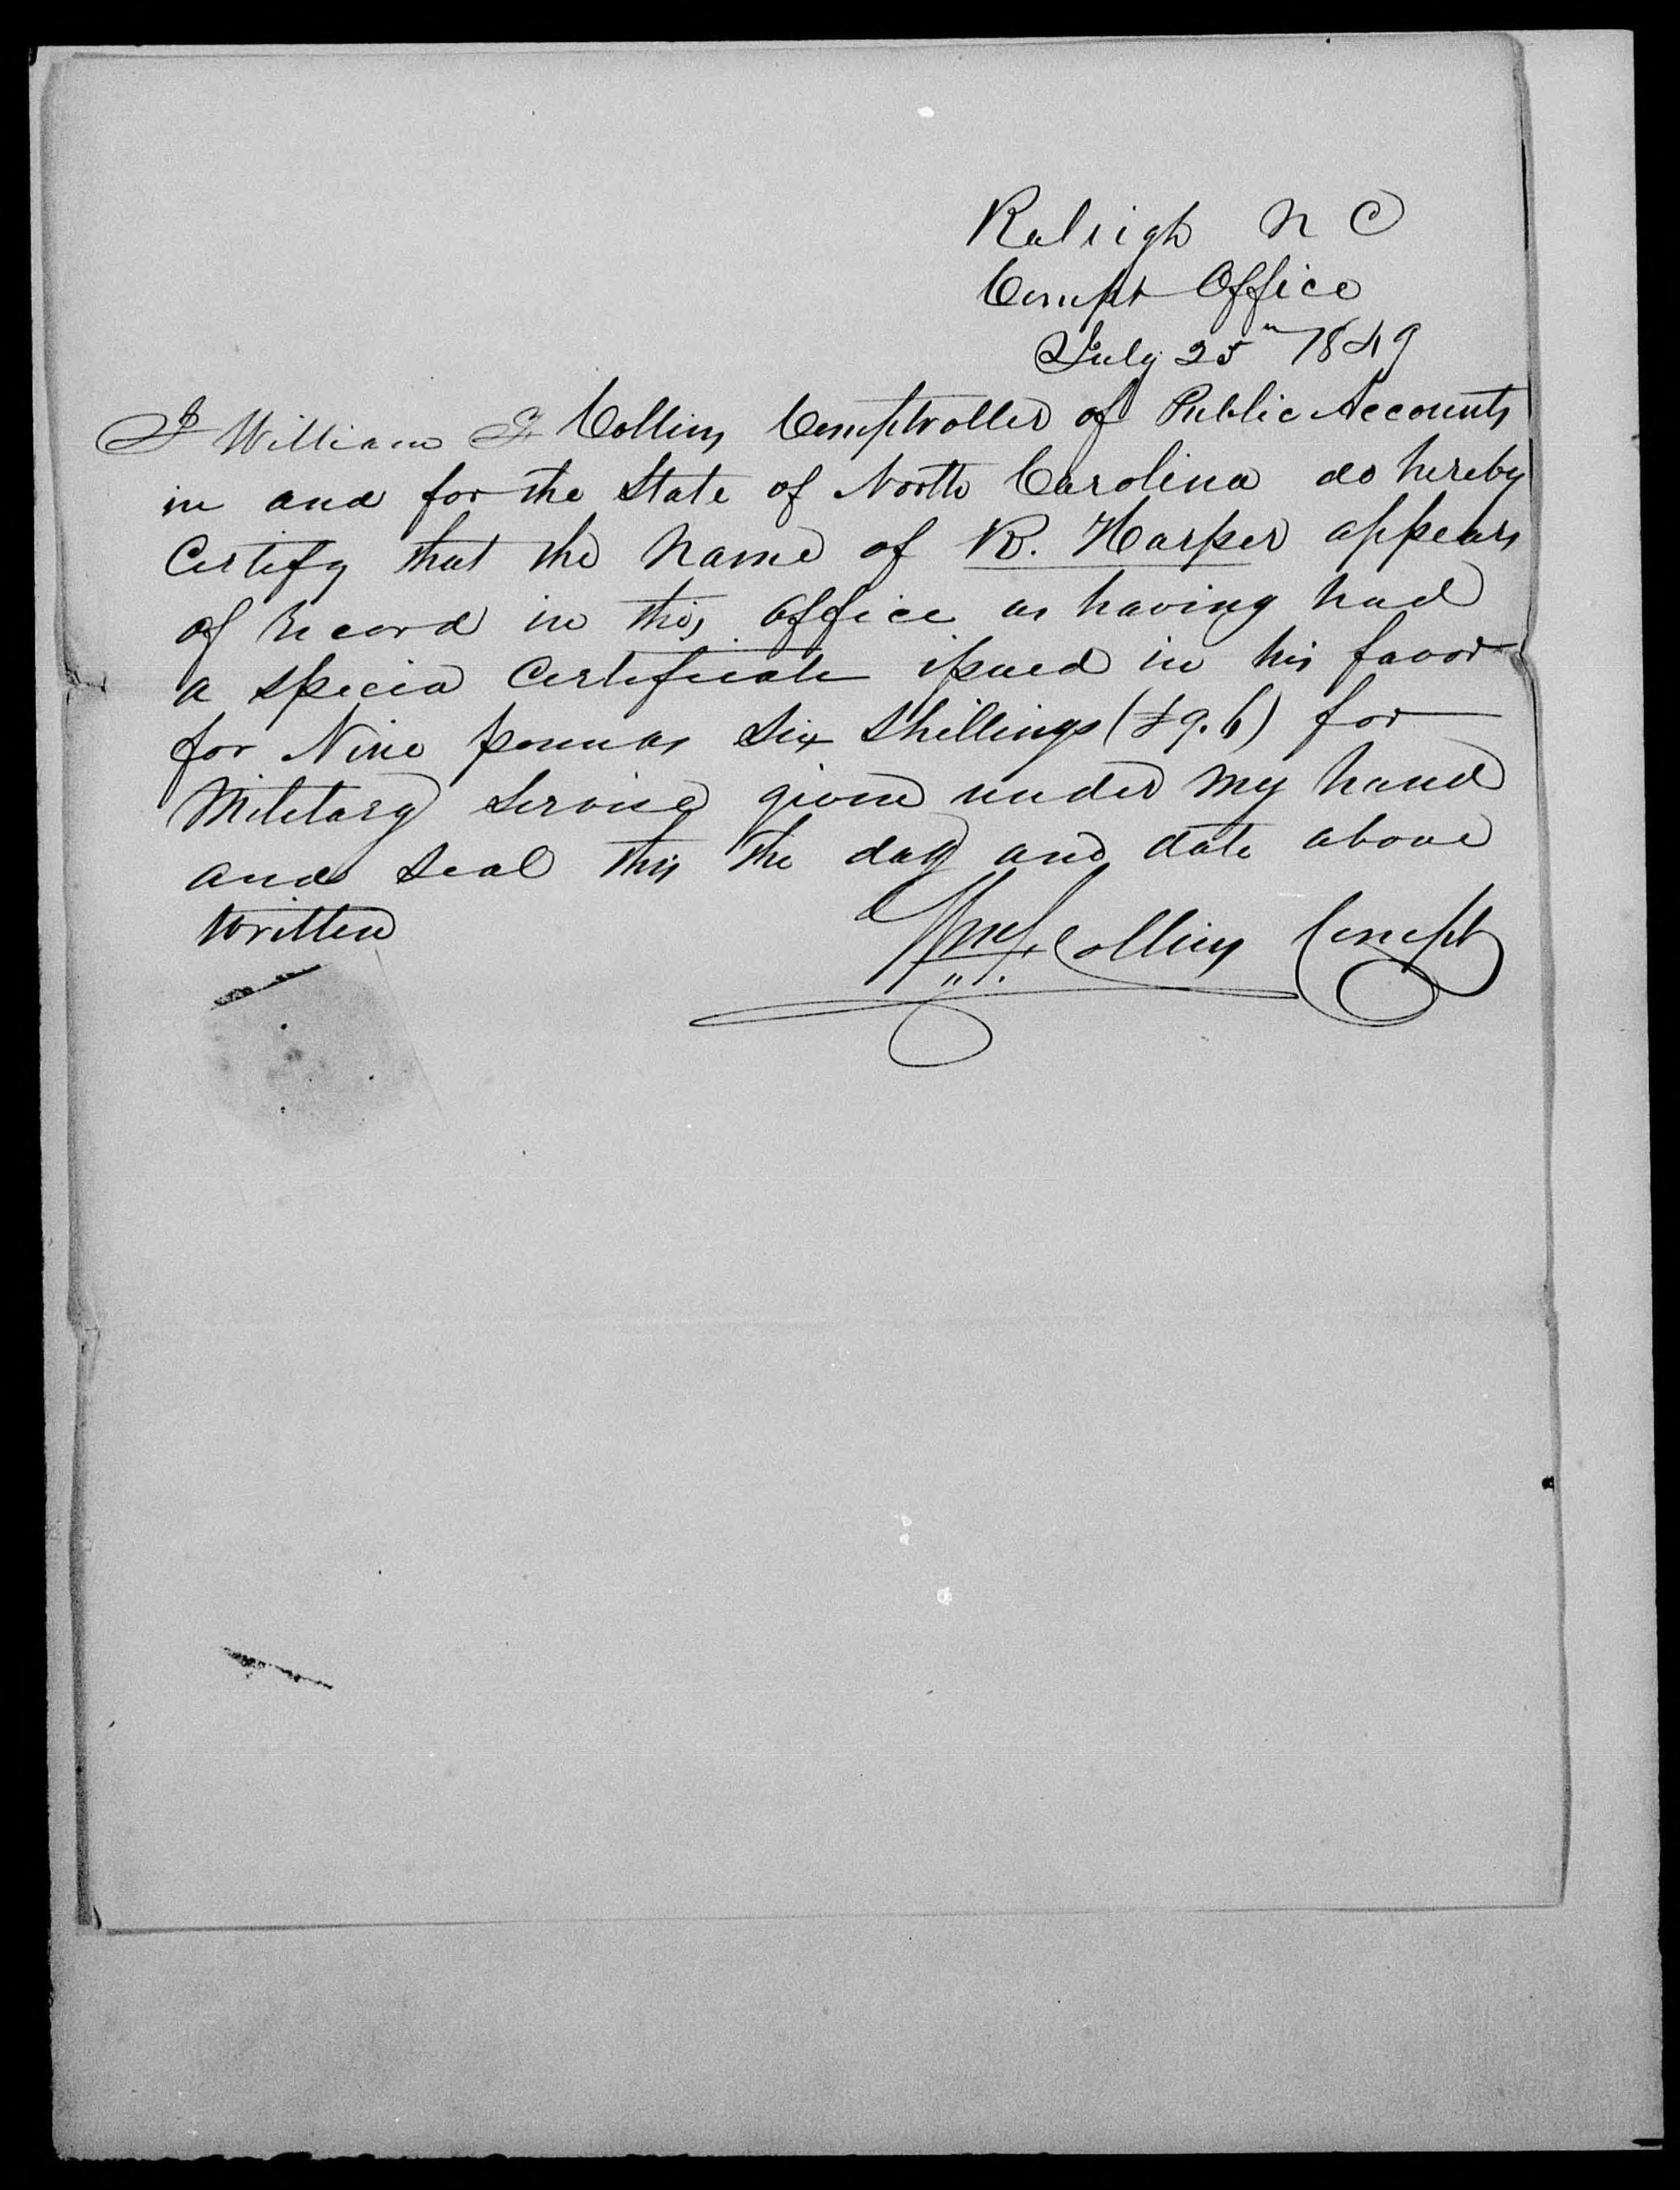Raleigh N C
Compt Office
July 25 1849

I William F Collins Comptroller of Public Accounts in and for the State of North Carolina do hereby certify that the name of R. Harper [underlined] appears of record in this office as having had a special certificate issued in his favor for Nine pounds Six Shillings (£ g.b.) for Military Service given under my hand and seal this the day and date above written

Wm F Collins Compt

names: R Harper, William F Collins, Wm F Collins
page: 25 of 81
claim: survivor's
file: S. 1908, Richard Harper, N.C.